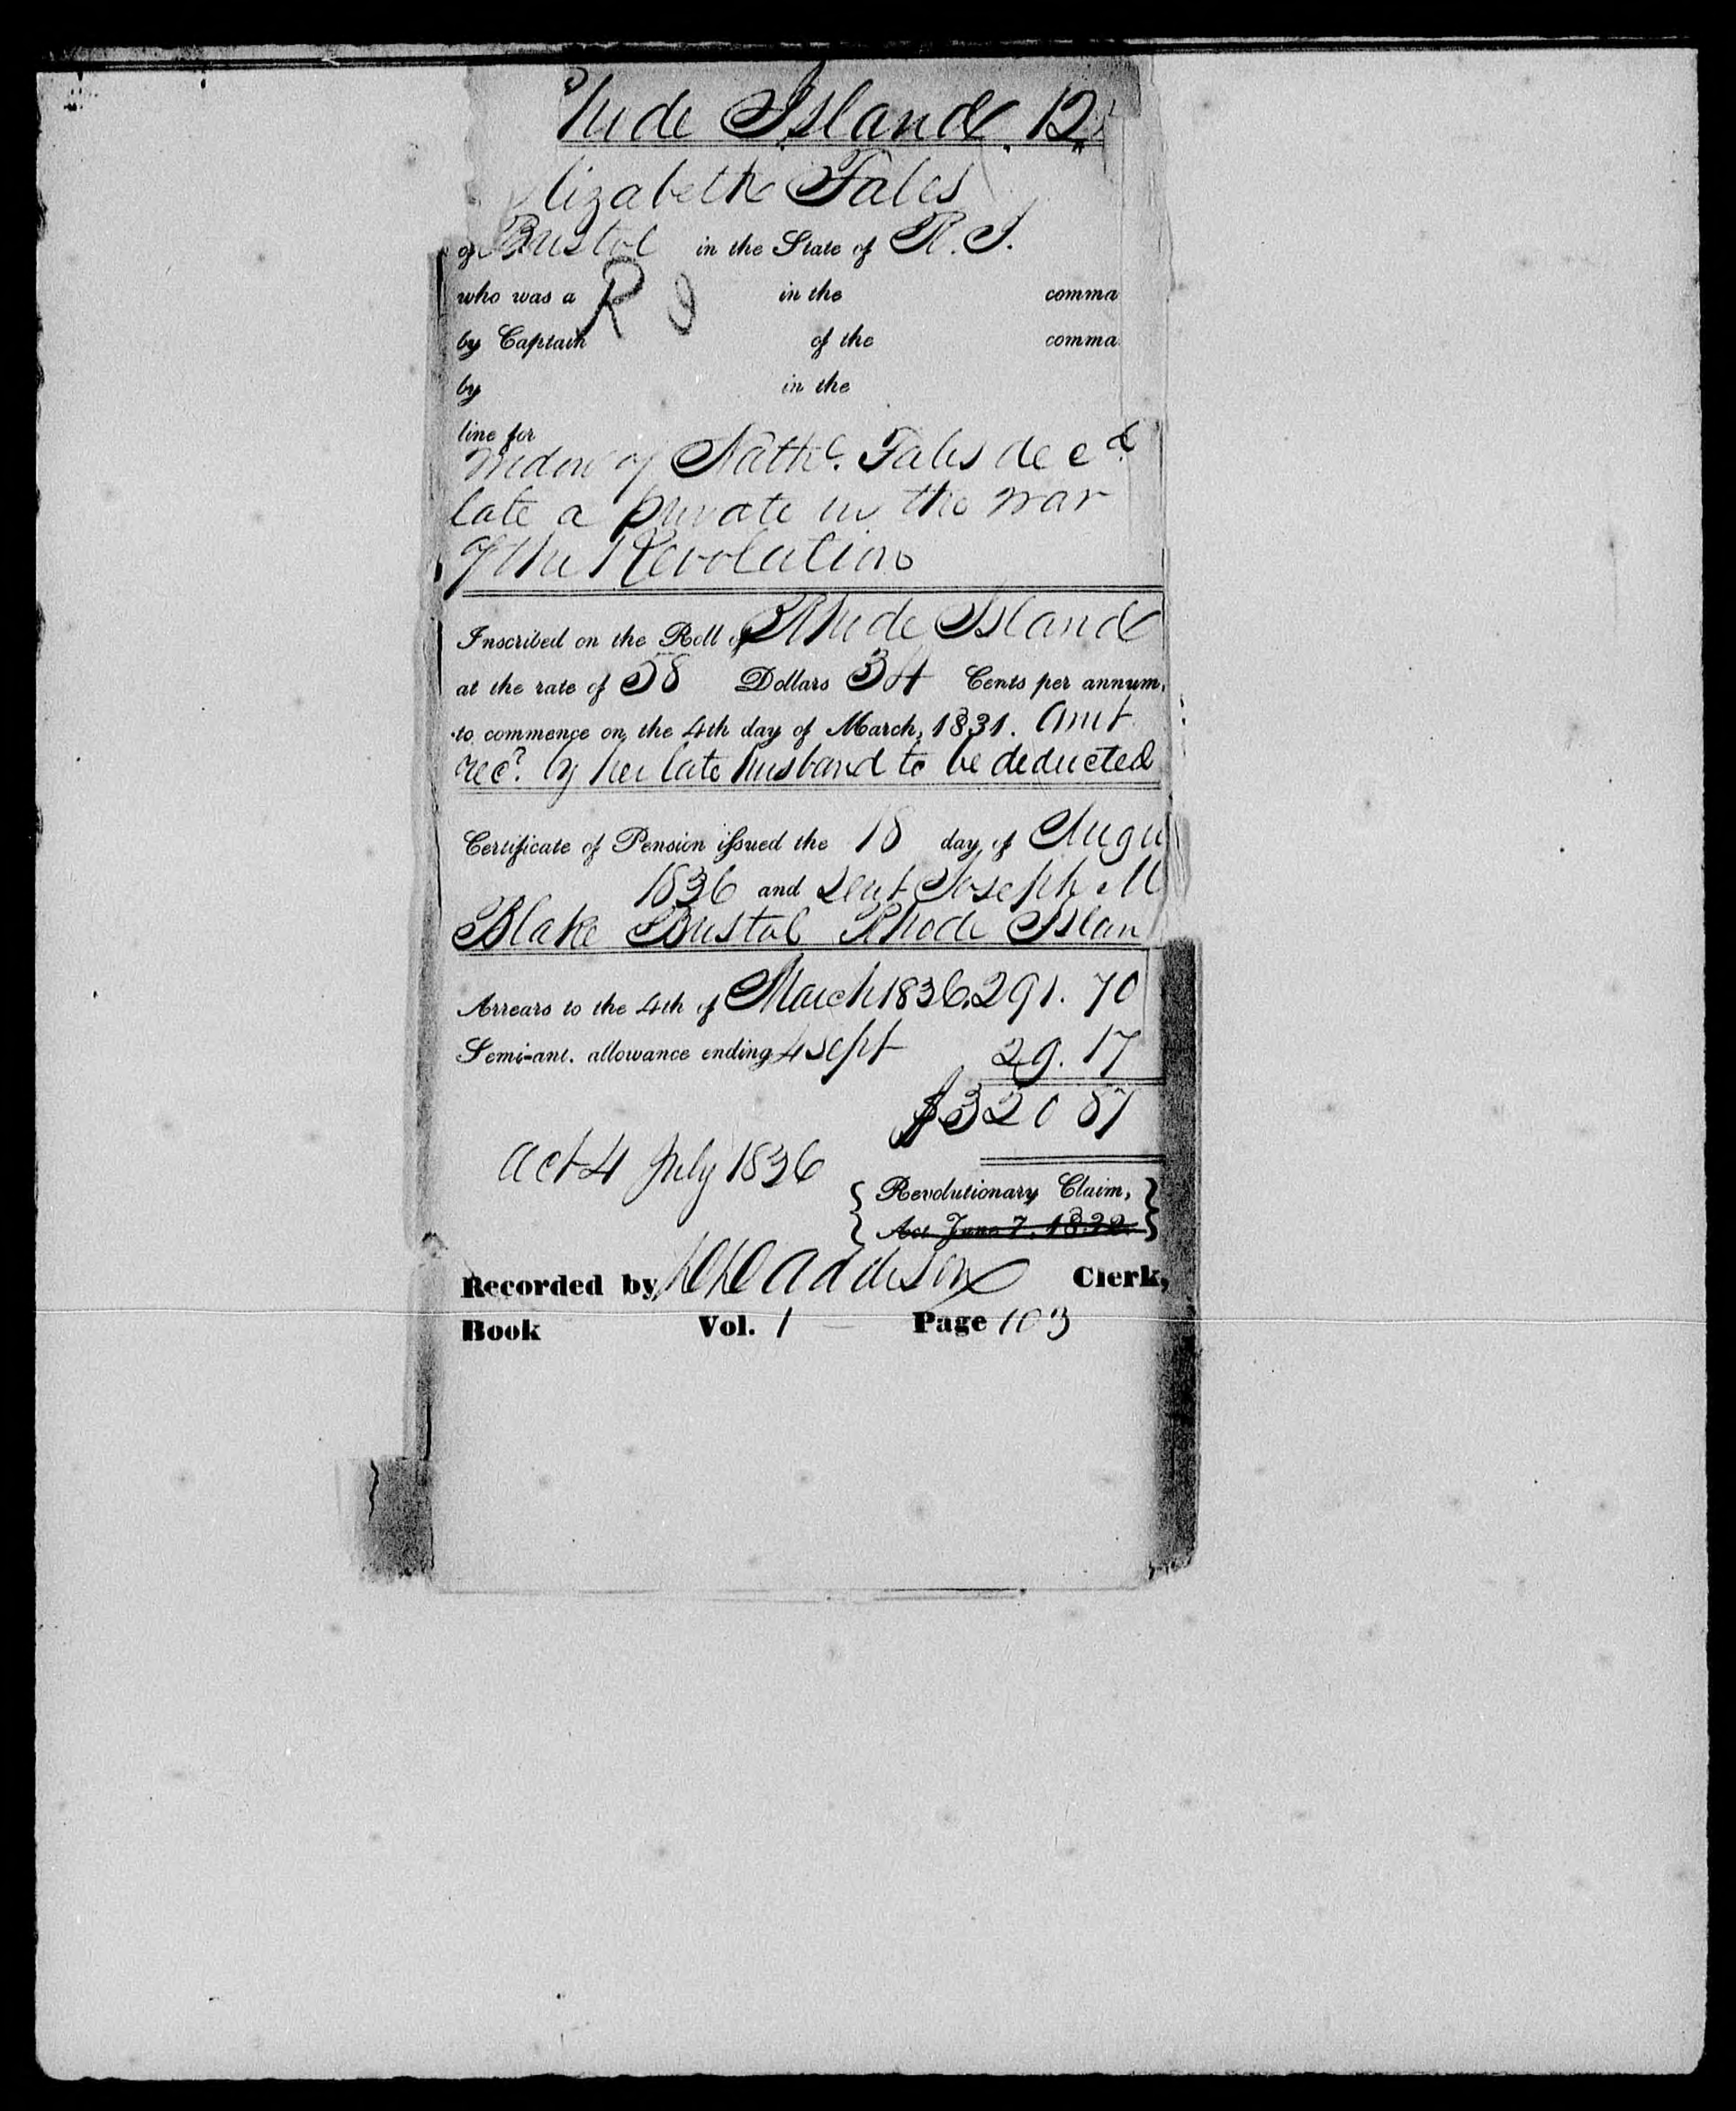Rhode Island 12
Elizabeth Fales of Bristol in the state of R.I. who was a [blank] in the [blank] comma by [blank] in the [blank] line for 
Widow of Nathaniel Fales dec'd late a private in the war of the revolution.

Inscribed on the roll of Rhode Island at the rate of 58 dollars 34 cents per annum to commence on the 4th day of March 1831. Amt [illegible]? by her late husband to be deducted

Certificate of pension issued the 18 day of Augus 1836 and sent Joseph M. Blake Bristol Rhode Island

Arrears to the 4th of March 1836 291.70
Semi-anl. allowance ending 4 Sept.   29.17
$320.87

Act 4 July 1836
{Revolutionary Claim}

recorded by DD Addison Clerk
Book [blank] Vol. 1 Page 103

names: Nathl Fales, Joseph M Blake, D D Addison, Elizabeth Fales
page: 11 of 32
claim: widow's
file: W. 24,173, Nathaniel Fales, R.I.